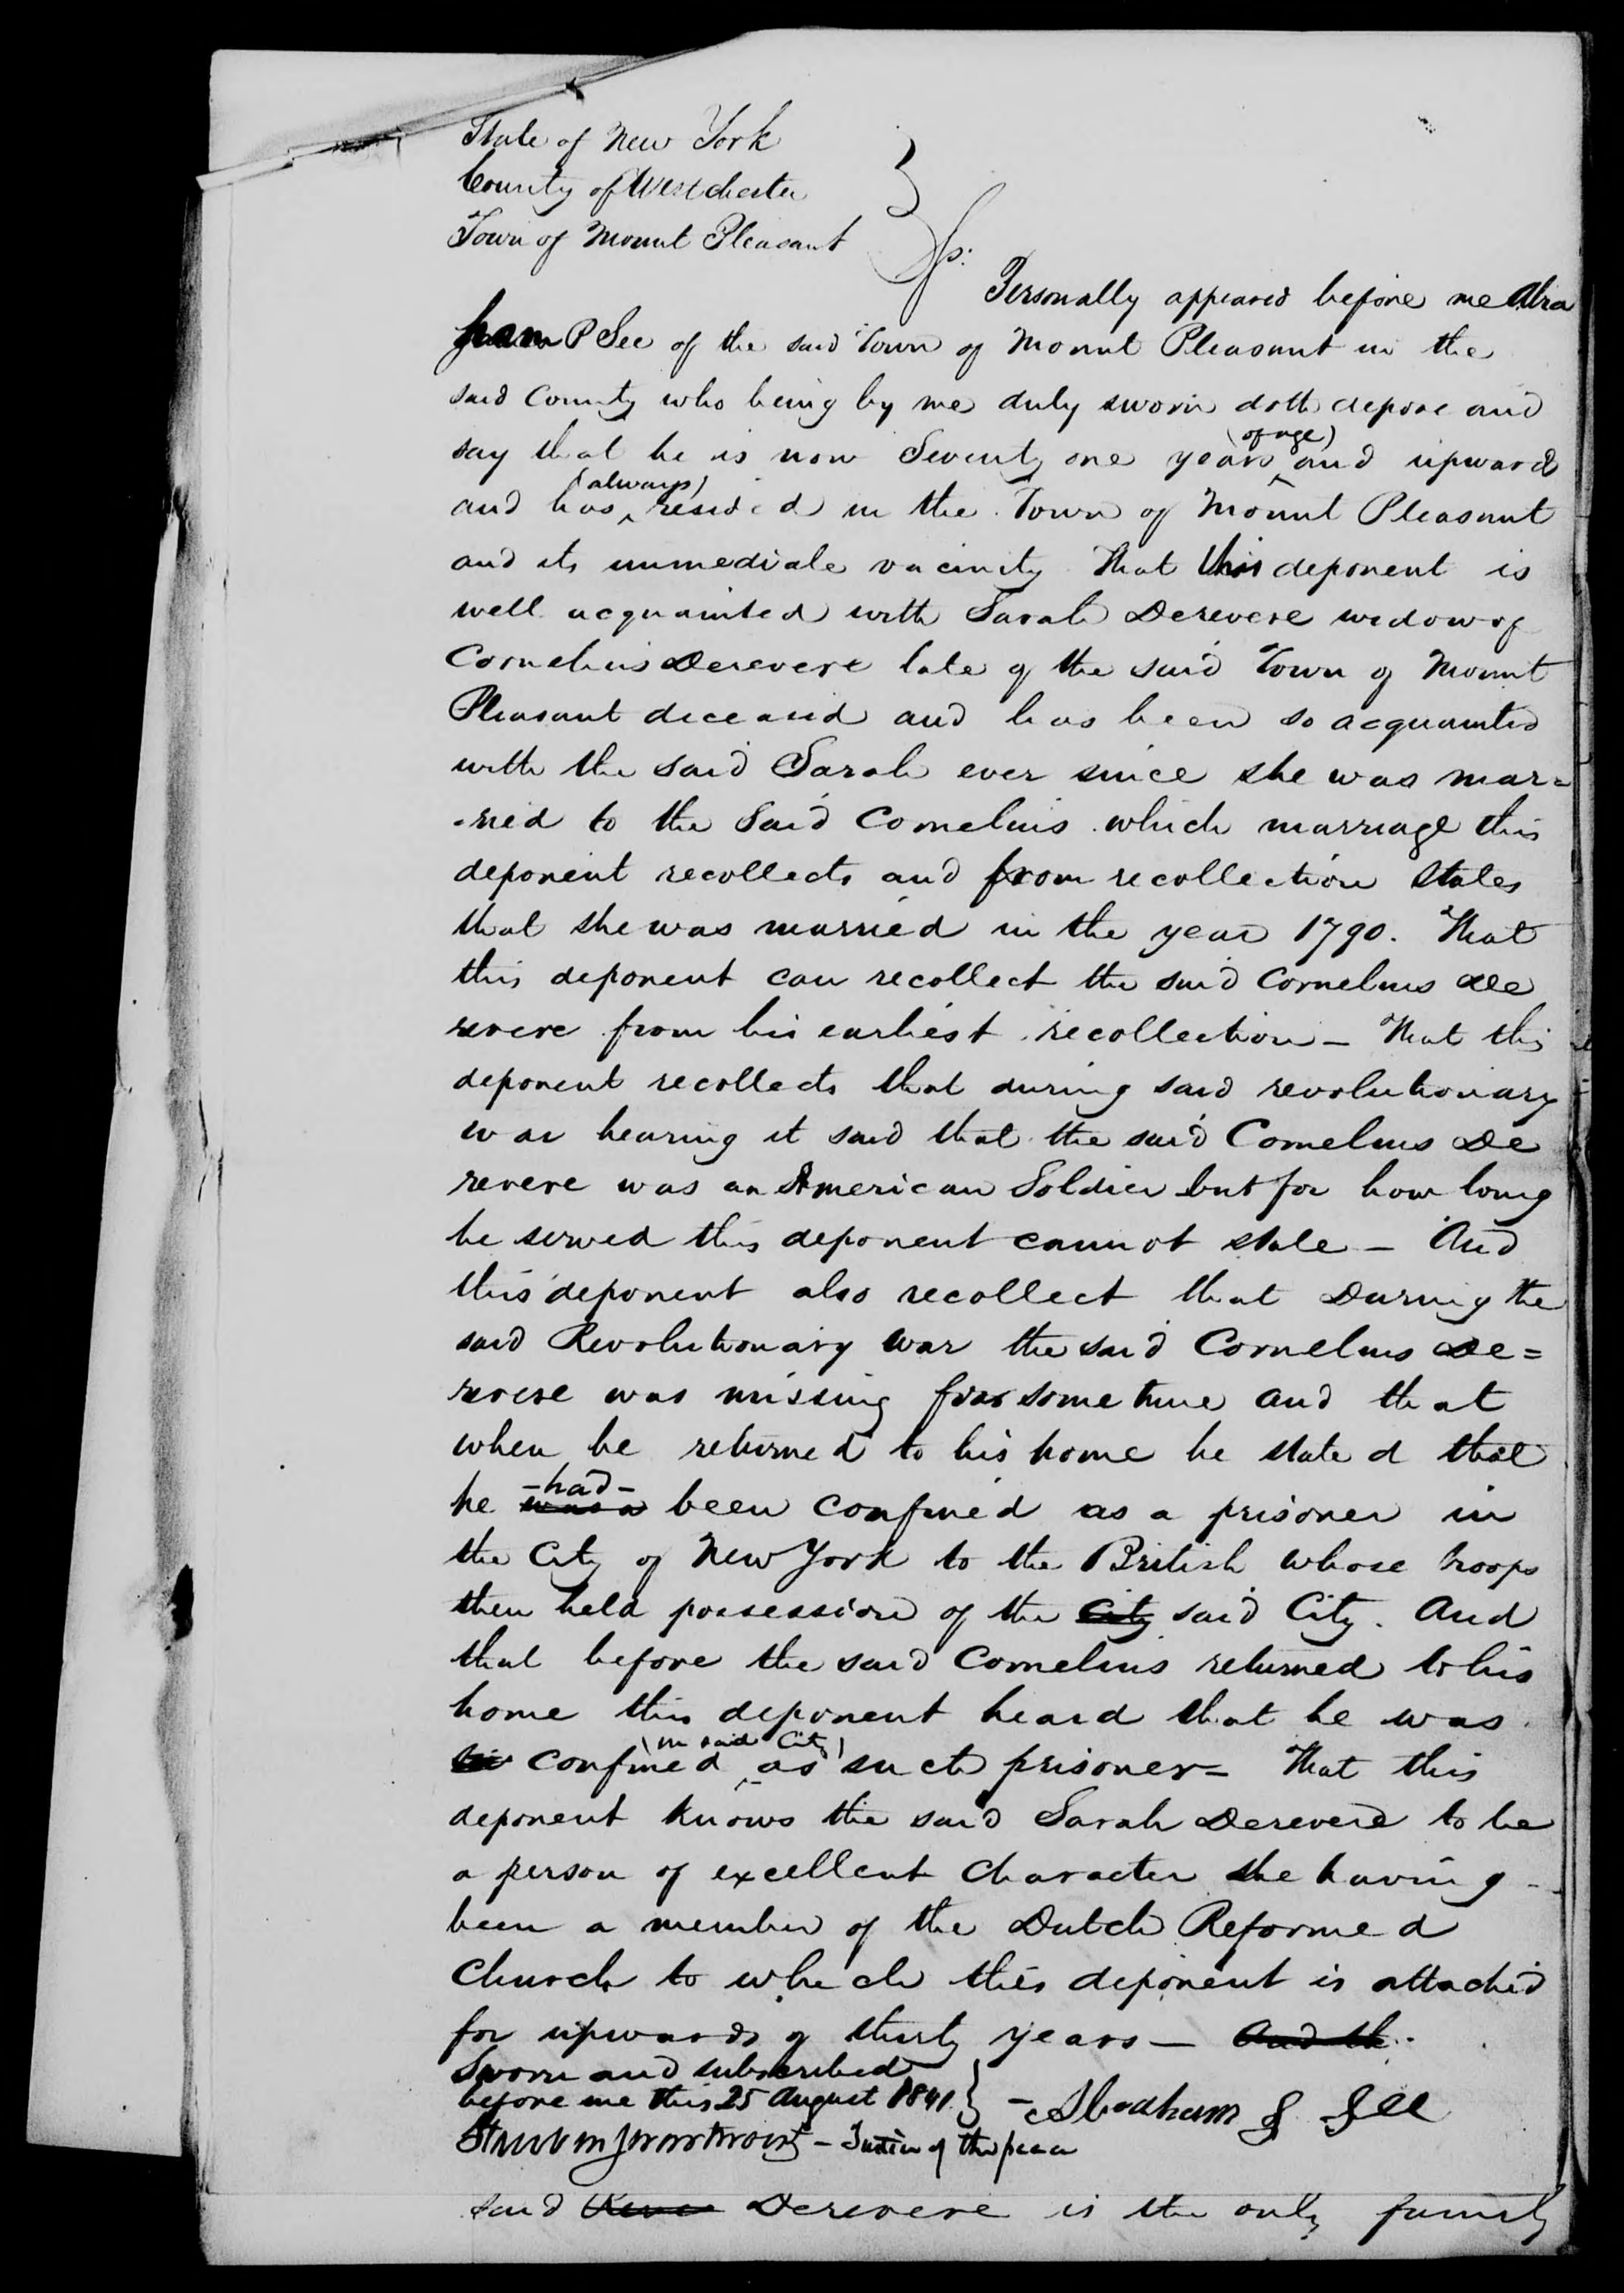State of New York
County of Westchester
Town of Mount Pleasant

Personally appeared before me Abraham P See of the said Town of Mount Pleasant in the said county who being by me duly sworn doth depose and say that he is now Seventy one years ^ (of age) and upward and has ^(always) resided in the Town of Mount Pleasant and its immediate vacinity.  That this deponent is well acquainted with Sarah Derevere widow of Cornelius Derevere late of the said Town of Mount Pleasant deceased and has been so acquainted with the said Sarah ever since she was married to the Said Cornelius which marriage this deponent recollects and from recollection states that she was married in the year 1790.  That this deponent can recollect the said Cornelius Derevere from his earliest recollection - That this deponent recollects that during said revolutionary war hearing it said that the said Cornelius Derevere was an American Soldier but for how long he served this deponent cannot state - And this deponent also recollected that During the said Revolutionary War the said Cornelius Derevere was missing for some time and that when he returned to his home he stated that he ["was a" crossed out"] -had- been confined as a prisoner in the City of New York to the British whose troops then held possession of the ["city" crossed out] said City.   And that before the said Cornelius returned to his home this deponent heard that he was [illegible crossed out] confined ^ (in said city) as such prisoner - That this deponent knows the said Sarah Derevere to be a person of excellent character she having been a member of the Dutch Reformed Church to which this deponent is attached for upwards of thirty years - ["And the" crossed out]
Sworn and subscribed before me this 25 August 1841 - [signed] Abraham P See
[signed] Steuben Swartwout - Justice of the peace

[the following words are written on what looks to be a separate page underneath this page]
said ["Rever" crossed out] Derevere is the only family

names: Sarah Derevere, Cornelius Derevere, Cornelius Derevere, Cornelius Derevere, Abraham P See, Steuben Swartwout, Cornelius, Abraham P See, Cornelius, Sarah Derevere, Cornelius Derevere, Derevere, Sarah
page: 32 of 40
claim: widow's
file: W. 24057, Cornelius De Revere, New York